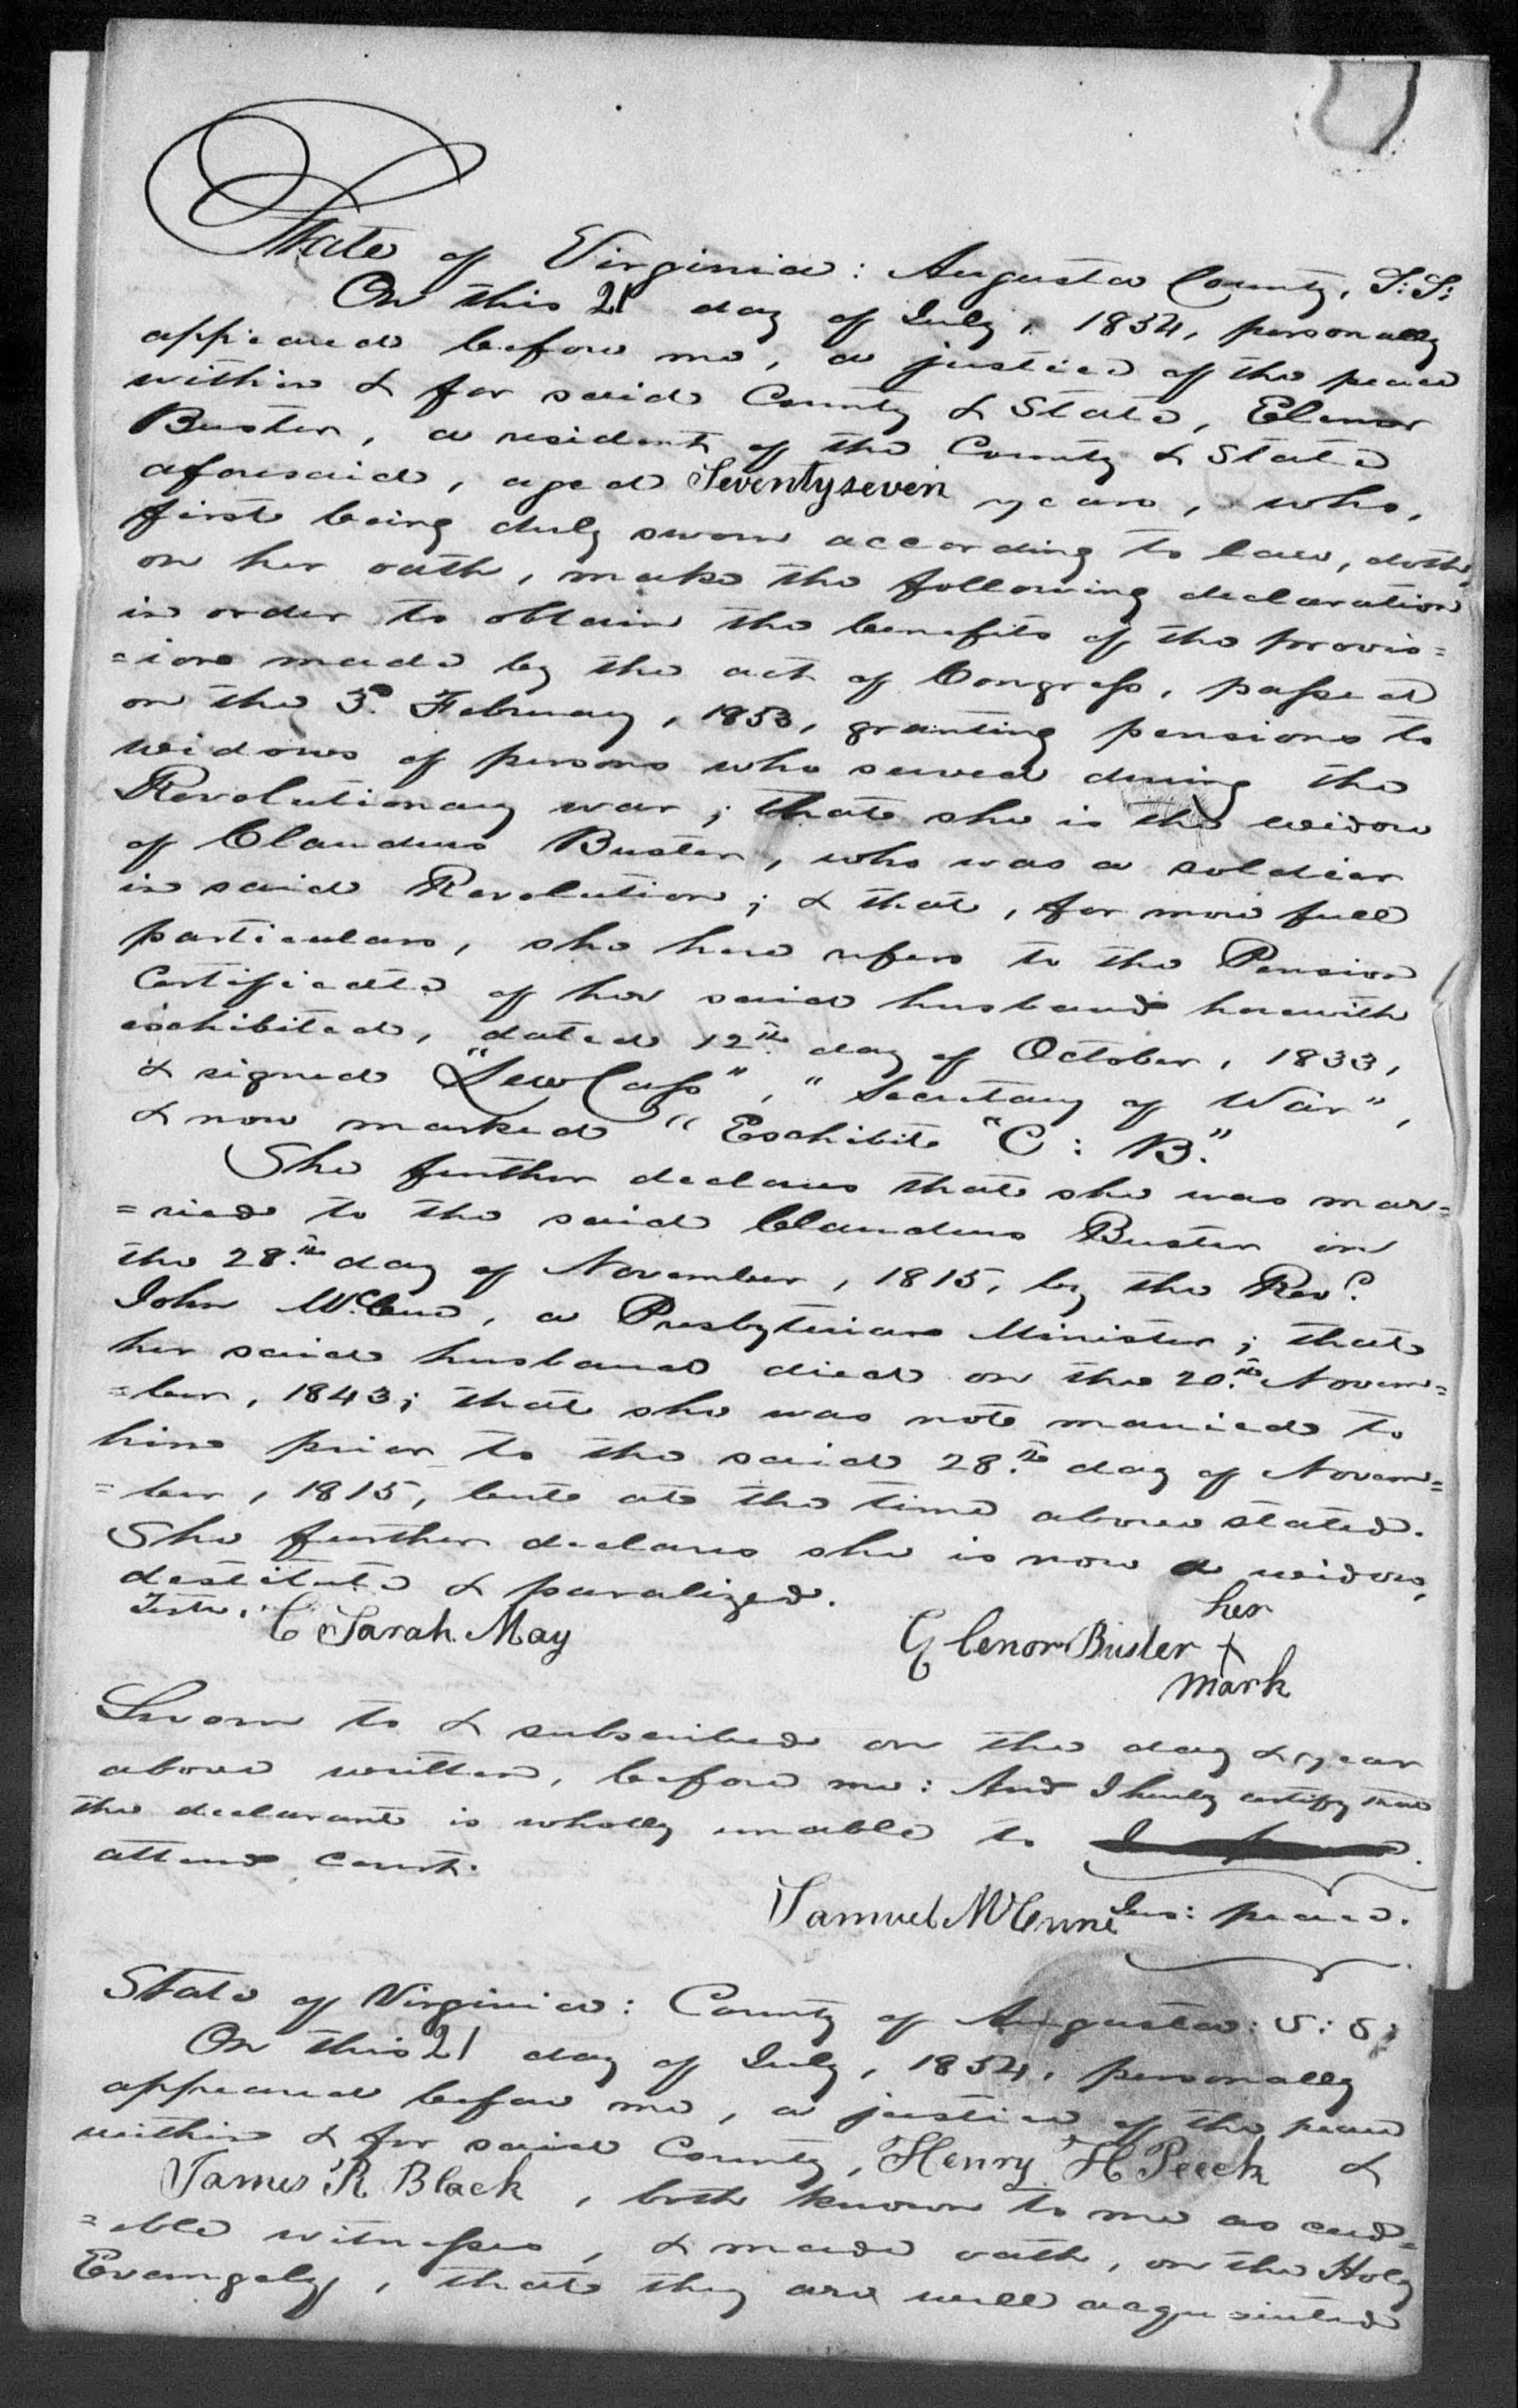State of Virginia: Augusta County, S:S:

On this 21 day of July, 1854, personally appeared before me, a justice of the peace within & for said County & State, Elenor Buster, a resident of the County & State aforesaid, aged Seventy seven years, who, first being duly sworn according to law, doth, on her oath, make the following declaration in order to obtain the benefits of the provision made by the act of Congress, passed on the 3d February, 1853, granting pensions to widows of persons who served during the Revolutionary war; that she is the widow of Claudius Buster, who was a soldier in said Revolution; & that, for more full particulars, she here refers to the Pension certificate of her said husband herewith exhibited, dated 12th day of October, 1833, & signed "Lew Cass", "Secretary of War", & now marked "Exhibit "C : B."

She further declares that she was married to the said Claudius Buster on the 28th day of November, 1815, by the Rev.d John McCue, a Presbyterian Minister; that her said husband died on the 20th November, 1843; that she was not married to him prior to the said 28th day of November, 1815, but at the time above stated. She further declares she is now a widow, destitute & paralized(sic).
Elenor Buster   X her mark
C Sarah May

Sworn to & subscribed on the day & year above written, before me: and I hereby certify that the declarant is wholly unable to attend court.
Samuel McCune Jus: peace.

State of Virginia: County of Augusta: S:S:

On this 21 day of July, 1854, personally appeared before me, a justice of the peace within & for said County, Henry H Peeck & James R Black, both known to me as credible witnesses, & made oath, on the Holy Evangaly, that they are well acquainted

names: Samuel Mc Cune, James R Black, Henry H Peeck, C Sarah May, Elenor Buster, Elenor Buster, Claudius Buster, Lew Cass, John Mc Cue, Claudius Buster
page: 9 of 71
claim: widow's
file: W. 25310, Claudius Buster, Va.